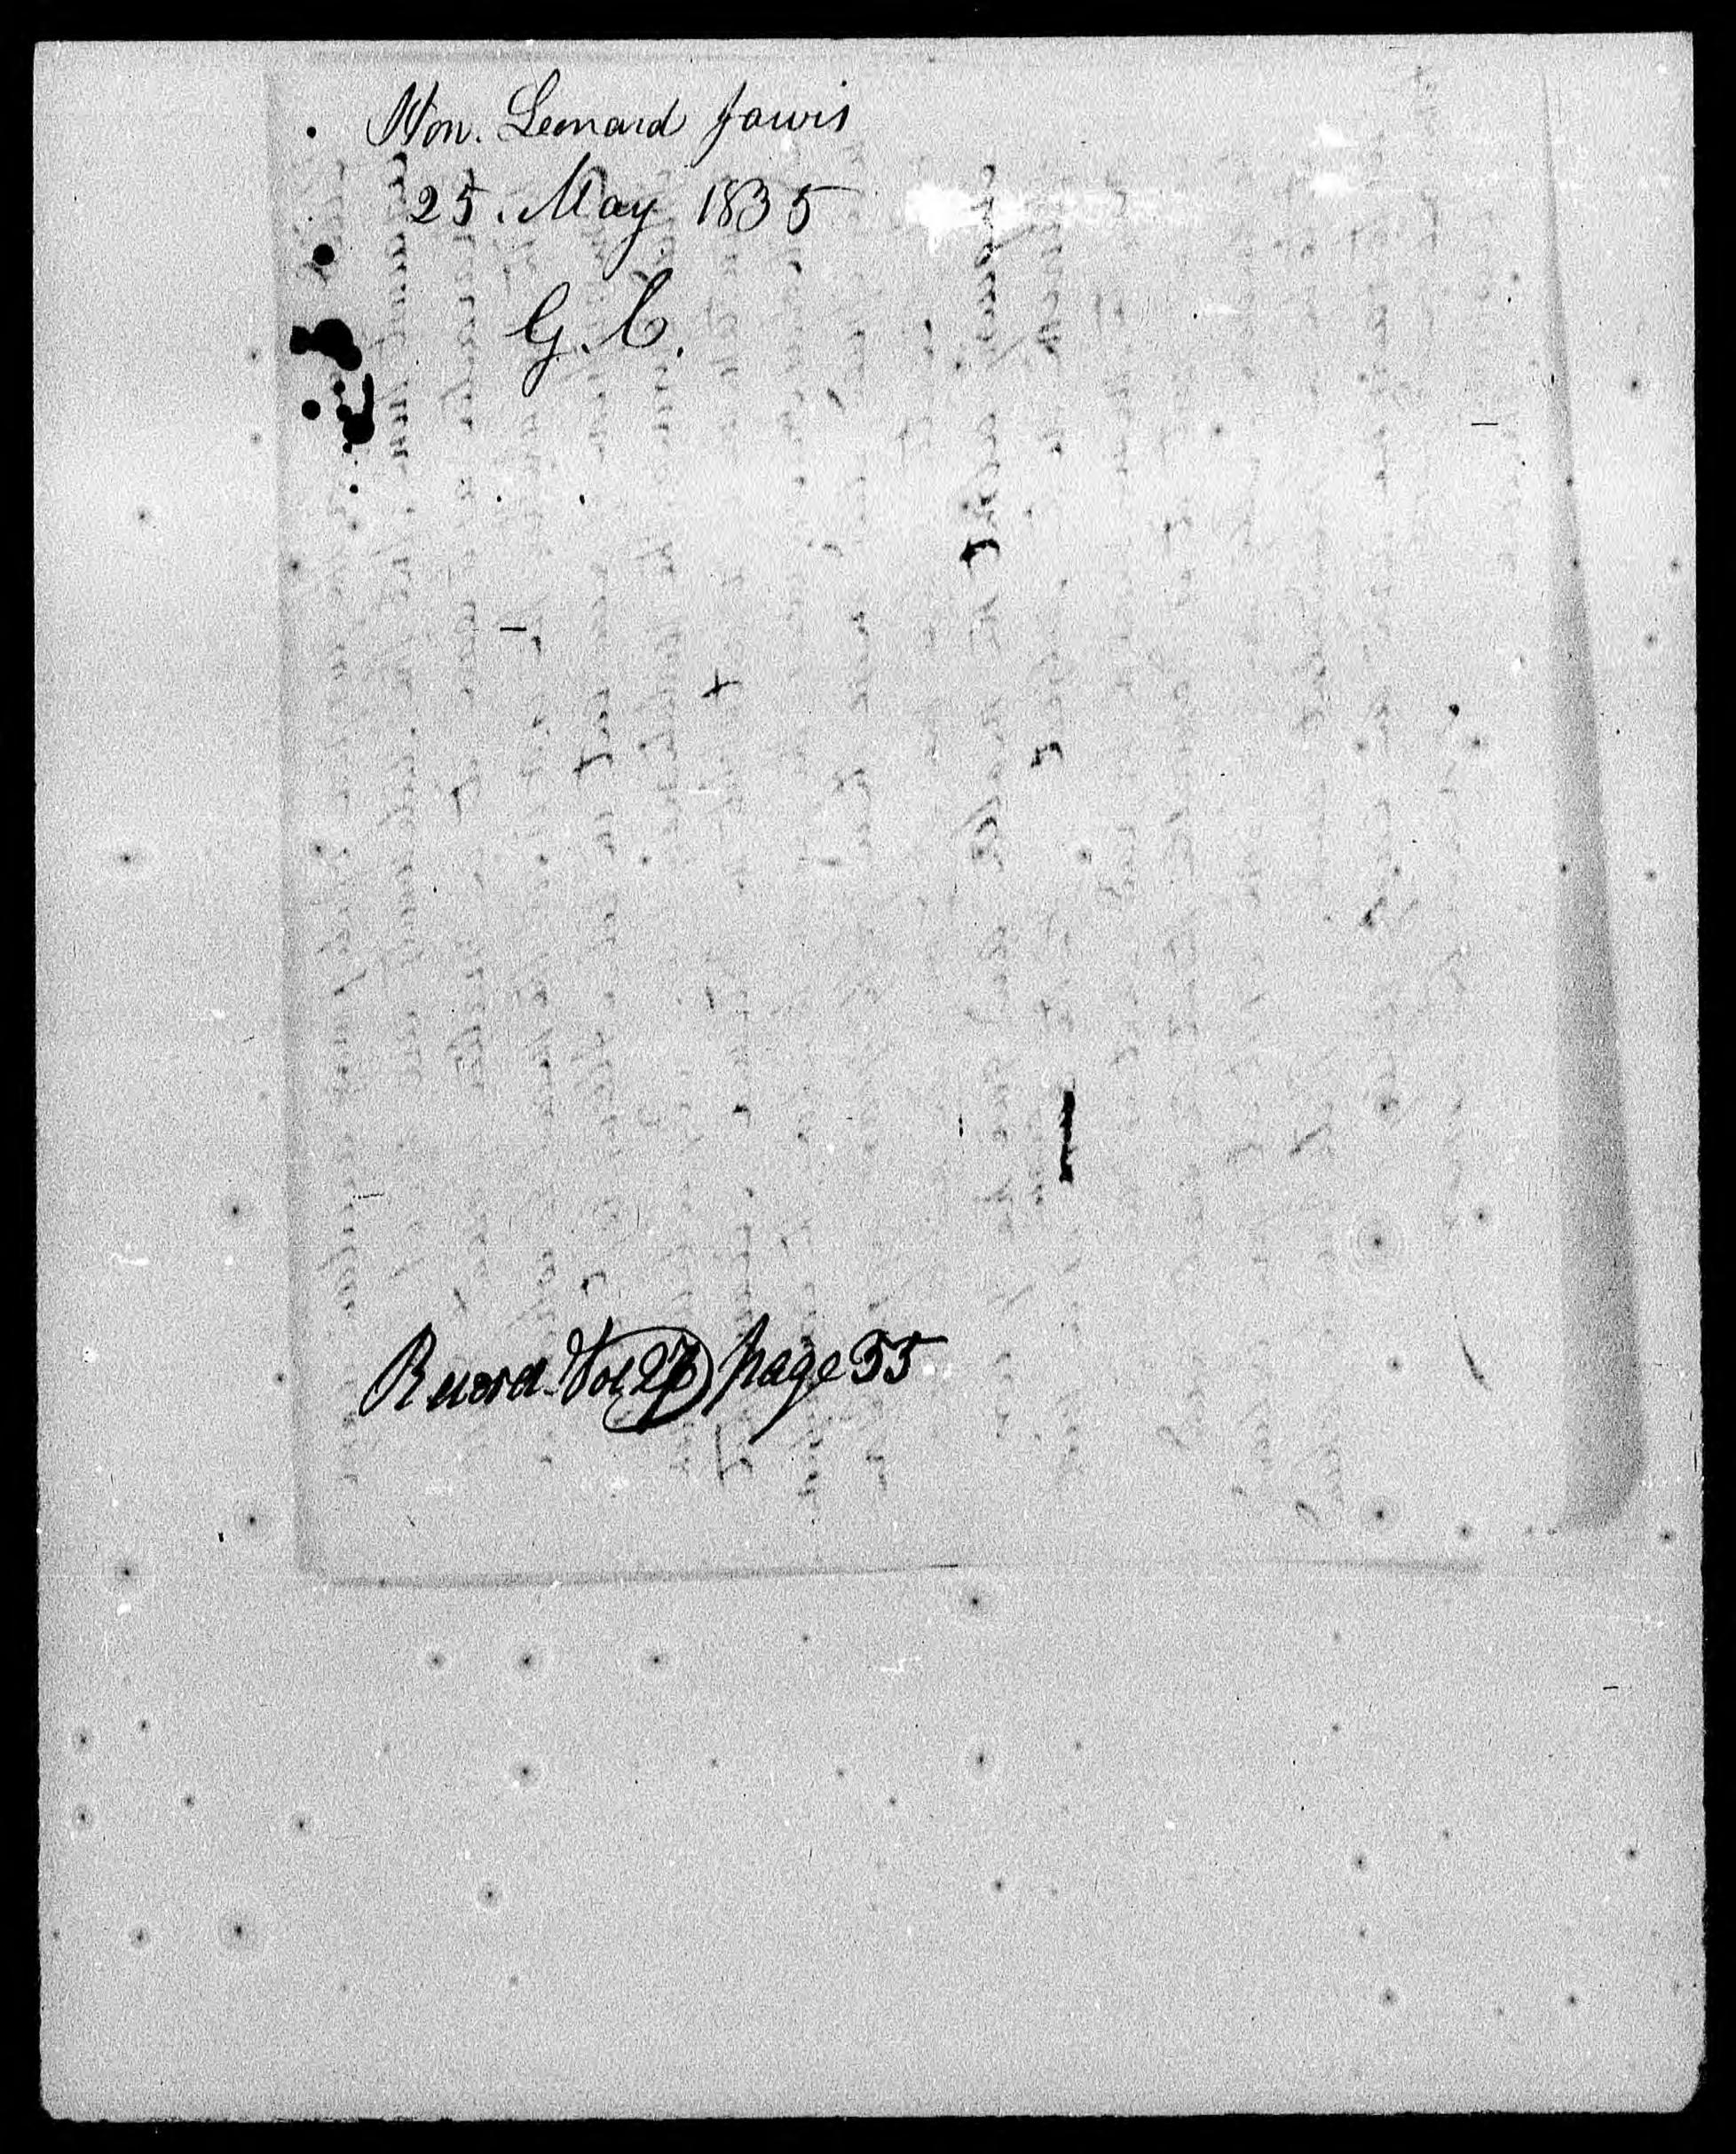(illegible) Leonard James 
25 May 1835
GC
(illegible) page 35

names: Leonard Jarvis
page: 46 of 52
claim: survivor's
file: S 17997, Nicholas Hawwawas, Mass.